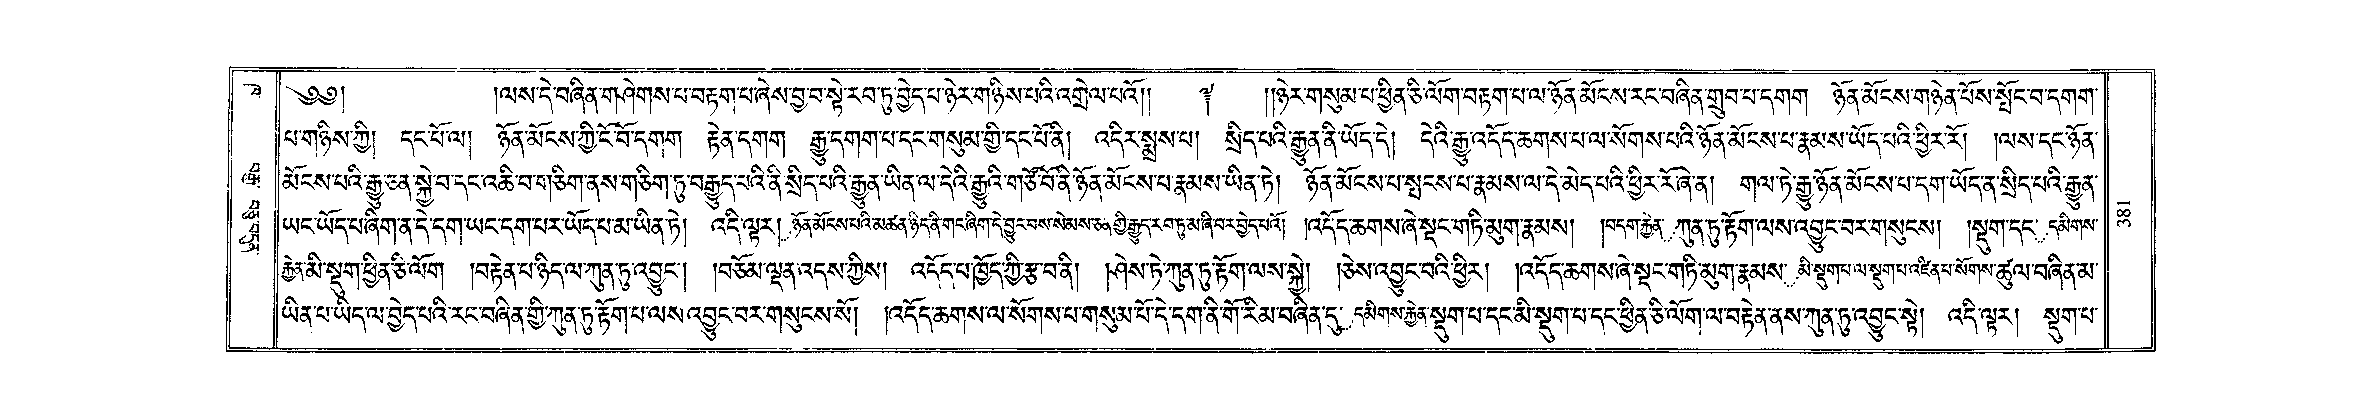༄༅། །ལས་དེ་བཞིན་གཤེགས་པ་བརྟག་པ་ཞེས་བྱ་བ་སྟེ་རབ་ཏུ་བྱེད་པ་ཉེར་གཉིས་པའི་འགྲེལ་པའོ།། ༈ །།ཉེར་གསུམ་པ་ཕྱིན་ཅི་ལོག་བརྟག་པ་ལ་ཉོན་མོངས་རང་བཞིན་གྲུབ་པ་དགག་ཉོན་མོངས་གཉེན་པོས་སྤོང་བ་དགག་
པ་གཉིས་ཀྱི། དང་པོ་ལ། ཉོན་མོངས་ཀྱི་ངོ་བོ་དགག་རྟེན་དགག་རྒྱུ་དགག་པ་དང་གསུམ་གྱི་དང་པོ་ནི། འདིར་སྨྲས་པ། སྲིད་པའི་རྒྱུན་ནི་ཡོད་དེ། དེའི་རྒྱུ་འདོད་ཆགས་པ་ལ་སོགས་པའི་ཉོན་མོངས་པ་རྣམས་ཡོད་པའི་ཕྱིར་རོ། །ལས་དང་ཉོན་
མོངས་པའི་རྒྱུ་ཅན་སྐྱེ་བ་དང་འཆི་བ་གཅིག་ནས་གཅིག་ཏུ་བརྒྱུད་པའི་ནི་སྲིད་པའི་རྒྱུན་ཡིན་ལ་དེའི་རྒྱུའི་གཙོ་བོ་ནི་ཉོན་མོངས་པ་རྣམས་ཡིན་ཏེ། ཉོན་མོངས་པ་སྤངས་པ་རྣམས་ལ་དེ་མེད་པའི་ཕྱིར་རོ་ཞེ་ན། གལ་ཏེ་རྒྱུ་ཉོན་མོངས་པ་དག་ཡོད་ན་སྲིད་པའི་རྒྱུན་
ཡང་ཡོད་པ་ཞིག་ན་དེ་དག་ཡང་དག་པར་ཡོད་པ་མ་ཡིན་ཏེ། འདི་ལྟར། ཉོན་མོངས་པའི་མཚན་ཉིད་ནི་གང་ཞིག་དེ་བྱུང་བས་སེམས་ཅན་གྱི་རྒྱུད་རབ་ཏུ་མ་ཞི་བར་བྱེད་པའོ།  །འདོད་ཆགས་ཞེ་སྡང་གཏི་མུག་རྣམས། །བདག་རྐྱེན་ཀུན་ཏུ་རྟོག་ལས་འབྱུང་བར་གསུངས། །སྡུག་དང་དམིགས་
རྐྱེན་མི་སྡུག་ཕྱིན་ཅི་ལོག །བརྟེན་པ་ཉིད་ལ་ཀུན་ཏུ་འབྱུང་། །བཅོམ་ལྡན་འདས་ཀྱིས། འདོད་པ་ཁྱོད་ཀྱི་རྩ་བ་ནི། །ཤེས་ཏེ་ཀུན་ཏུ་རྟོག་ལས་སྐྱེ། །ཅེས་འབྱུང་བའི་ཕྱིར། །འདོད་ཆགས་ཞེ་སྡང་གཏི་མུག་རྣམས་མི་སྡུག་པ་ལ་སྡུག་པ་འཛིན་པ་སོགས་ཚུལ་བཞིན་མ་
ཡིན་པ་ཡིད་ལ་བྱེད་པའི་རང་བཞིན་གྱི་ཀུན་ཏུ་རྟོག་པ་ལས་འབྱུང་བར་གསུངས་སོ། །འདོད་ཆགས་ལ་སོགས་པ་གསུམ་པོ་དེ་དག་ནི་གོ་རིམ་བཞིན་དུ་དམིགས་རྐྱེན་སྡུག་པ་དང་མི་སྡུག་པ་དང་ཕྱིན་ཅི་ལོག་ལ་བརྟེན་ནས་ཀུན་ཏུ་འབྱུང་སྟེ། འདི་ལྟར། སྡུག་པ་